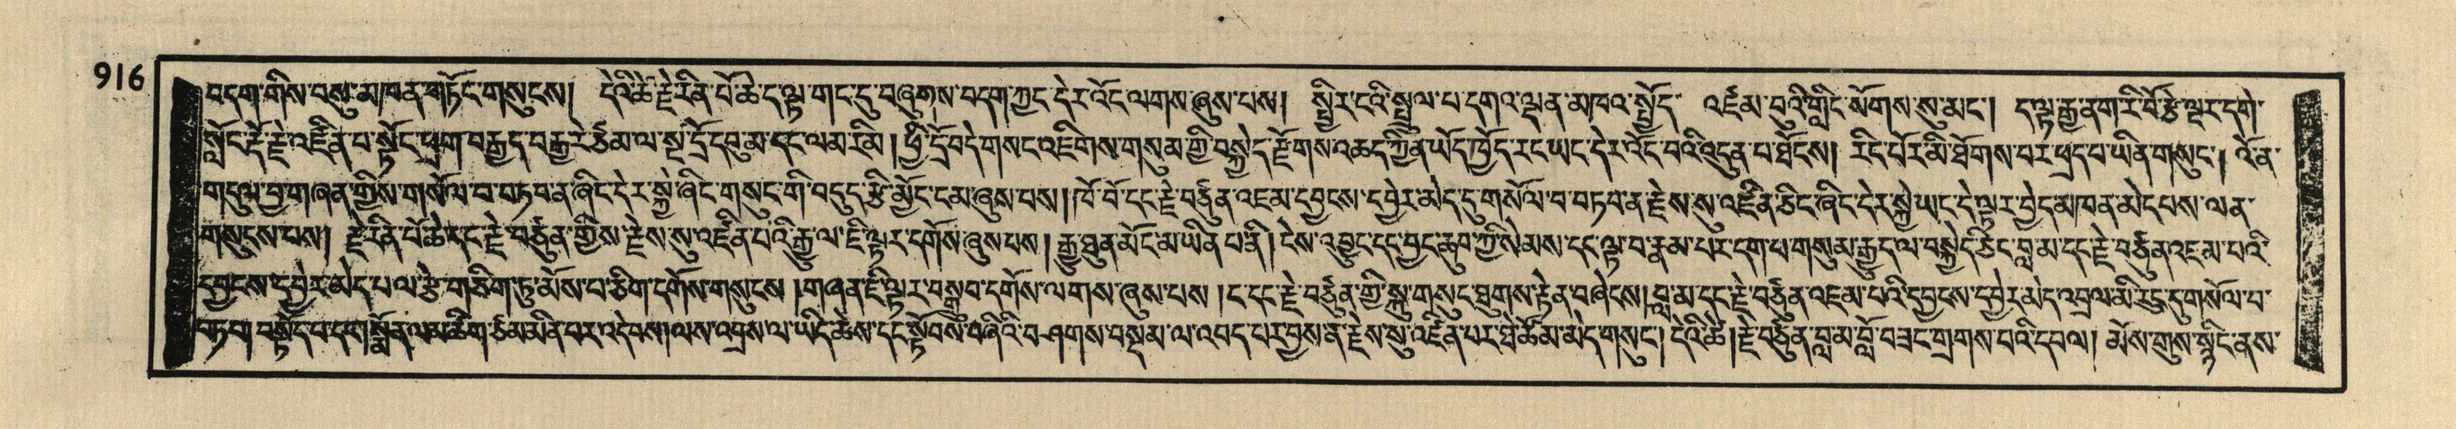བདག་གིས་བསུ་མཁན་གཏོང་གསུངས། དེའི་ཚེ་རྗེ་རིན་པོ་ཆེ་ད་ལྟ་གང་དུ་བཞུགས་བདག་ཀྱང་དེར་འོང་ལགས་ཞུས་པས། སྤྱིར་ངའི་སྤྲུལ་པ་དགའ་ལྡན་མཁའ་སྤྱོད་འཛམ་བུའི་གླིང་སོགས་སུ་མང་། ད་ལྟ་རྒྱ་ནག་རི་བོ་རྩེ་ལྔར་དགེ་
སློང་རྡོ་རྗེ་འཛིན་པ་སྟོང་ཕྲག་བརྒྱད་བརྒྱ་རེ་ཙམ་ལ་སྔ་དྲོ་དབུ་མ་དང་ལམ་རིམ་།ཕྱི་དྲོ་བདེ་གསང་འཇིགས་གསུམ་གྱི་བསྐྱེད་རྫོགས་འཆད་ཀྱིན་ཡོད་ཁྱོད་རང་ཡང་དེར་འོང་བའི་འདུན་པ་ཐོངས། རིང་པོར་མི་ཐོགས་པར་ཕྲད་པ་ཡིན་གསུང་། འོ་ན་
གདུལ་བྱ་གཞན་གྱིས་གསོལ་བ་བཏབ་ན་ཞིང་དེར་སྐྱེ་ཞིང་གསུང་གི་བདུད་རྩི་མྱོང་ངམ་ཞུས་པས། ཁོ་བོ་དང་རྗེ་བཙུན་འཇམ་དབྱངས་དབྱེར་མེད་དུ་གསོལ་བ་བཏབ་ན་རྗེས་སུ་འཛིན་ཅིང་ཞིང་དེར་སྐྱེ་ཡང་དེ་ལྟར་བྱེད་མཁན་མེད་པས་ལན་
གསུངས་པས། རྗེ་རིན་པོ་ཆེ་དང་རྗེ་བཙུན་གྱིས་རྗེས་སུ་འཛིན་པའི་རྒྱུ་ལ་ཇི་ལྟར་དགོས་ཞུས་པས། རྒྱུ་ཐུན་མོང་མ་ཡིན་པ་ནི། ངེས་འབྱུང་དང་བྱང་ཆུབ་ཀྱི་སེམས་དང་ལྟ་བ་རྣམ་པར་དག་པ་གསུམ་རྒྱུད་ལ་བསྐྱེད་ཅིང་བླ་མ་དང་རྗེ་བཙུན་འཇམ་པའི་
དབྱངས་དབྱེར་མེད་པ་ལ་རྩེ་གཅིག་ཏུ་མོས་པ་ཅིག་དགོས་གསུངས་།གཞན་ཇི་ལྟར་བསྒྲུབ་དགོས་ལགས་ཞུས་པས་།ང་དང་རྗེ་བཙུན་གྱི་སྐུ་གསུང་ཐུགས་རྟེན་བཞེངས། བླ་མ་དང་རྗེ་བཙུན་འཇམ་པའི་དབྱངས་དབྱེར་མེད་འབྲལ་མི་རུང་དུ་གསོལ་པ་
བཏག་བསྟོད་པ་དང་། སྨོན་ལམ་ཚིག་ཙམ་མིན་པར་འདེབས། ལས་འབྲས་ལ་ཡིད་ཆེས་དང་སྟོབས་བཞིའི་བཤགས་བསྡམ་ལ་འབད་པར་བྱས་ན་རྗེས་སུ་འཛིན་པར་ཐེ་ཚོམ་མེད་གསུང་། དེའི་ཚེ། རྗེ་བཙུན་བླ་མ་བློ་བཟང་གྲགས་པའི་དཔལ། མོས་གུས་སྙིང་ནས་